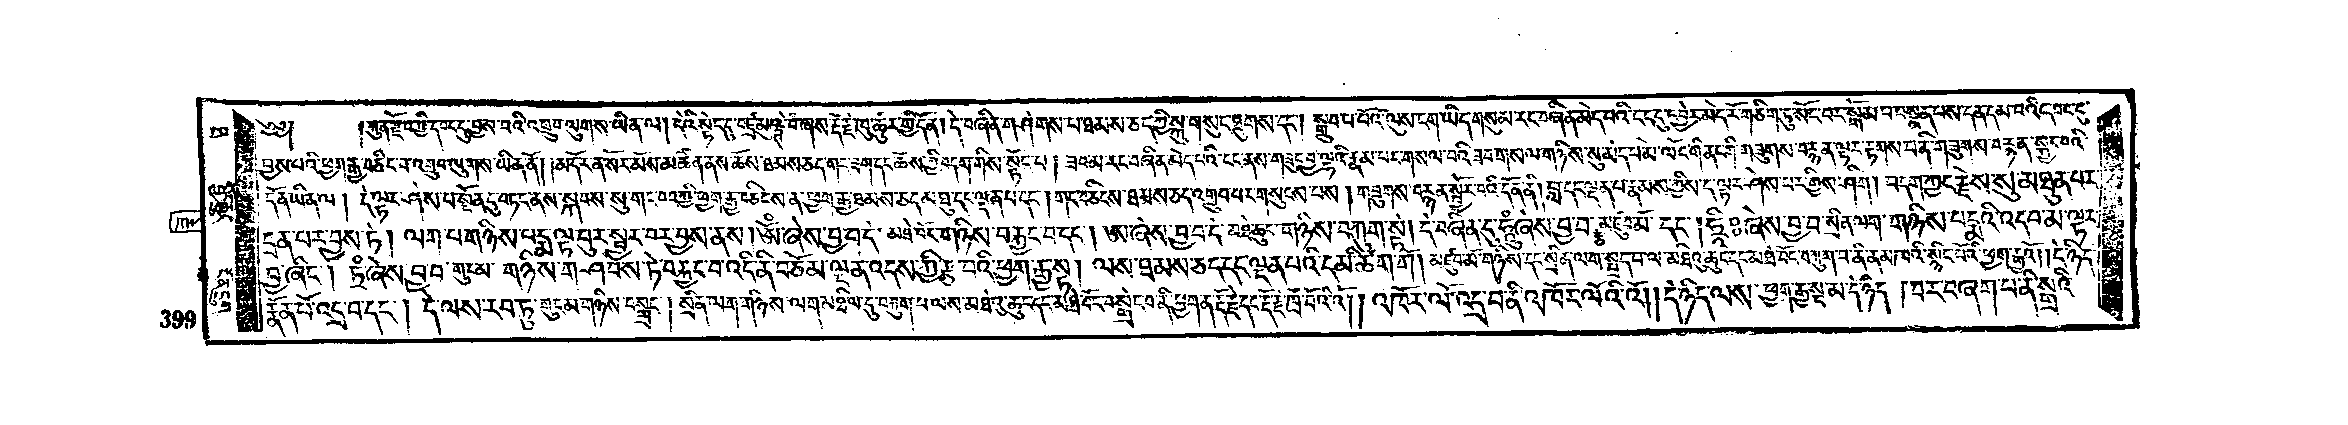༄༅། །ཀུན་རྫོབ་ཀྱི་དབང་དུ་བྱས་པའི་འགྲུབ་ལུགས་ཡིན་ལ། དེའི་སྟེང་དུ་བཛྲ་མུཥྚ་བཾ་ཞེས་རྡོ་རྗེ་ཁུ་ཚུར་བྱི་དོན། དེ་བཞིན་གཤེགས་པ་ཐམས་ཅད་ཀྱི་སྐུ་གསུང་ཐུགས་དང་། སྒྲུབ་པ་བའི་ལུས་ངག་ཡིད་གསུམ་རང་བཞིན་མེད་པའི་ངང་དུ་དབྱེར་མེད་རོ་གཅིག་ཏུ་སོང་བར་སྒོམ་པ་བསྣན་པས་དན་དམ་པའི་དབང་དུ་
བྱས་པའི་ཕྱག་རྒྱ་བཅིང་བ་འགྲུབ་ལུགས་ཡིན་ནོ། །མདོར་ན་སོར་མོས་མཚན་ནས་ཆོས་ཐམས་ཅད་གང་ཟག་དང་ཆོས་ཀྱི་བདག་གིས་སྟོང་པ། ཟའ་མ་རང་བཞིན་མེད་པའི་ངང་ནས་གཟུང་བྱ་ལྷའི་རྣམ་པར་གསལ་བའི་ཟབ་གསལ་གཉིས་སུ་མེད་པ་མེ་ལོང་གི་ནང་གི་གཟུགས་བརྙན་ལྟར་རྟགས་པ་ནི་གཟུགས་བརྙན་སྦྱར་བའི་
དོན་ཡིན་ལ། དེ་ལྟར་ཤེས་པ་སྔོན་དུ་བཏང་ནས་སྐབས་སུ་གང་བབ་ཀྱི་ཕྱག་རྒྱ་བཅིངས་ན་ཕྱག་རྒྱ་ཐམས་ཅད་མཐུ་དང་ལྡན་པ་དང་། གང་བཅིངས་ཐམས་ཅད་འགྲུབ་པར་གསུངས་པས། གཟུགས་བརྙན་སྦྱོར་བའི་དོན་ནི། བླ་དང་ལྡན་པ་རྣམས་ཀྱིས་ད་ལྟར་ཤེས་པར་གྱིས་ཤིག །བདག་ཀྱང་རྗེས་སུ་མཐུན་པར་
དྲན་པར་བྱས་ཏེ། ལག་པ་གཉིས་པདམ་ལྟ་བུར་སྦྱར་བར་བྱས་ནས། ཨོཾ་ཞེས་བྱ་བ་དེ་མཐེ་བོང་གཉིས་བརྐྱང་བ་དང་། ཨ་ཞེས་བྱ་བ་དེ་མཐེ་ཆུང་གཉིས་བཀུག་སྟེ། དེ་བཞིན་དུ་ཧཱུཾ་ཞེས་བྱ་བ་རྩ་མཛུབ་མོ་དང་། ཧྲཱིཿ ཞེས་བྱ་བ་སྲིན་ལག་གཉིས་པདམའི་འདབ་མ་ལྟར་
བྱ་ཞིང་། ཏྲཾ་ཞེས་བྱ་བ་གུང་མོ་གཉིས་གཤབས་ཏེ་བརྐྱང་བ་འདི་ནི་བཅོམ་ལྡན་འདས་ཀྱི་རྩ་བའི་ཕྱག་རྒྱ་སྟེ། ལས་ཐམས་ཅད་དང་ལྡན་པའི་དམ་ཚིག་གོ ། མཛུབ་མོ་གཉིས་དང་སྲིན་ལག་སྤྲད་པ་ལ་མཐེའུ་ཆུང་དང་མཐེ་བོང་བཀུག་པ་ནི་ནམ་མཁའི་སྙིང་པོའི་ཕྱག་རྒྱའོ།  །དེ་ཉིད་
རྣོན་པོ་འདྲ་བ་དང་། དེ་ལས་རབ་ཏུ་གུང་མོ་གཉིས་བསྒྲང་། སྲིན་ལག་གཉིས་ལག་མཐིལ་དུ་བཀུག་པ་ལས་མཐེའུ་ཆུང་དང་མཐེ་བོང་བསྒྲེང་བ་ནི་ཕྱག་ན་རྡོ་རྗེ་དང་རྡོ་རྗེ་ཁྲོ་བོའི་འོ།  །འཁོར་ལོ་འདྲ་བ་ནི་འཁོར་ལོའི་འོ། །དེ་ཉིད་ལས་ཕྱག་རྒྱ་སྔ་མ་དེ་ཉིད་ཁར་བཞག་པ་ནི་སྒྲའི་